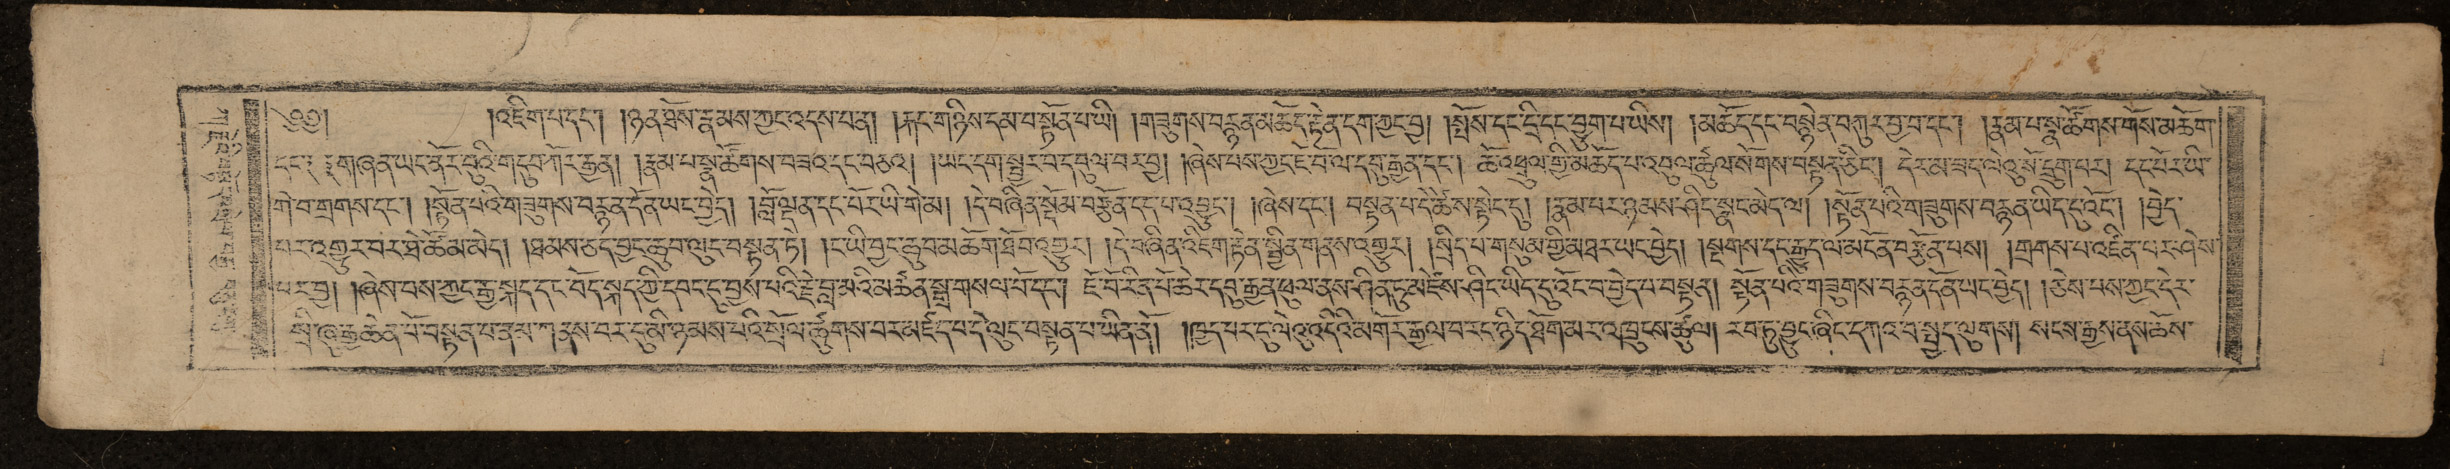༄༅། །འཇིག་པ་དང་། །ཉན་ཐོས་རྣམས་ཀྱང་འདས་པ་ན། །རྐང་གཉིས་དམ་པ་སྟོན་པ་ཡི། །གཟུགས་བརྙན་མཆོད་རྟེན་དག་ཀྱང་བྱ། །སྦོས་དང་དྲི་དང་བྱུག་པ་ཡིས། །མཆོད་དང་བསྙེན་བཀུར་བྱ་བ་དང་། །རྣམ་པ་སྣ་ཚོགས་གོས་མཆོད་
དང༑ ༑གཞན་ཡང་ནོར་བུའི་གདུབ་ཀོར་རྒྱན། །རྣམ་པ་སྣ་ཚོགས་བཟའ་དང་བཅའ། །ཡང་དག་སྦྱོར་བ་དབུལ་བར་བྱ། །ཞེས་པས་ཀྱང་ཇོ་བོ་ལ་དབུ་རྒྱན་དང་། ཆོ་འཕྲུལ་གྱི་མཆོད་པ་འབུལ་ཚུལ་སོགས་བསྟན་ཅིང་། དེར་མ་ཟད་ལེའུ་སོ་དྲུག་པར། དང་པོར་ཡི་
གེ་བ་གྲགས་དང་། །སྟོན་པའི་གཟུགས་བརྙན་དོན་ཡང་བྱེད། །བློ་ལྡན་དང་པོར་ཡི་གེ་མ། །དེ་བཞིན་སྡོམ་བརྩོན་དད་པ་འབྱུང་། །ཞེས་དག་བསྟན་པ་དེ་ཆོས་སྟེར་དུ། །རྣམ་པར་ཉམས་ཤིང་སྣང་མེད་ལ། །སྟོན་པའི་གཟུགས་བརྟན་ཡིད་དུའོང་། །བྱེད་
པར་འགྱུར་བར་ཐེ་ཚོམ་མེད། །ཐམས་ཅད་བྱང་ཆུབ་ལུང་བསྟན་ཏེ། །ང་ཡི་བྱང་ཆུབ་མཆོག་ཐོབ་འགྱུར། །དེ་བཞན་འཇིག་རྟེན་སྦྱིན་གནས་འགྱུར། །སྤིད་པ་གསུམ་གྱི་མཐར་ཡ་འབྱེད། །སྔགས་དང་རྒྱུད་ལ་མངོན་བརྩོན་པས། །གྲགས་པ་འཛིན་པར་ཤེས་
པར་བྱ། །ཞེས་པས་ཀྱང་རྒྱ་སྐད་དང་བོད་སྐད་ཀྱི་དབང་དུ་བྱས་པའི་རྗེ་བླ་མའི་མཚན་སྒྲ་གསལ་བོ་དང་། ཇོ་བོ་རིན་པོ་ཆར་དབུ་རྒྱན་ཕུལ་ནས་ཤིན་ཏུ་མཛེས་ཤིང་ཡིད་དུ་ཡོང་བ་བྱེད་པ་བསྟན། སྟོན་པའི་གཟུགས་བརྙན་དོན་མང་བྱེད། །ཅེས་བས་ཀྱང་དེས་
སྲི་ཞུ་རྒྱ་ཆེན་བོ་བསྟན་པ་ནམ་གནས་པར་དུ་མི་ཉམས་པའི་སྲོལ་ཚུགས་པར་མཛད་བདེ་ལུང་བསྟན་པ་ཡིན་ནོ། །ཁྱད་པར་དུ་ལེའུ་འདིའི་མགོར་རྒྱལ་གར་གཉིད་ཐོག་མར་འཁྲུངས་ཚུལ། རབ་ཏུ་བྱུང་ཞིང་བཀའ་བ་སྤྱད་ལུགས། སངས་རྒྱས་ནས་ཆས་